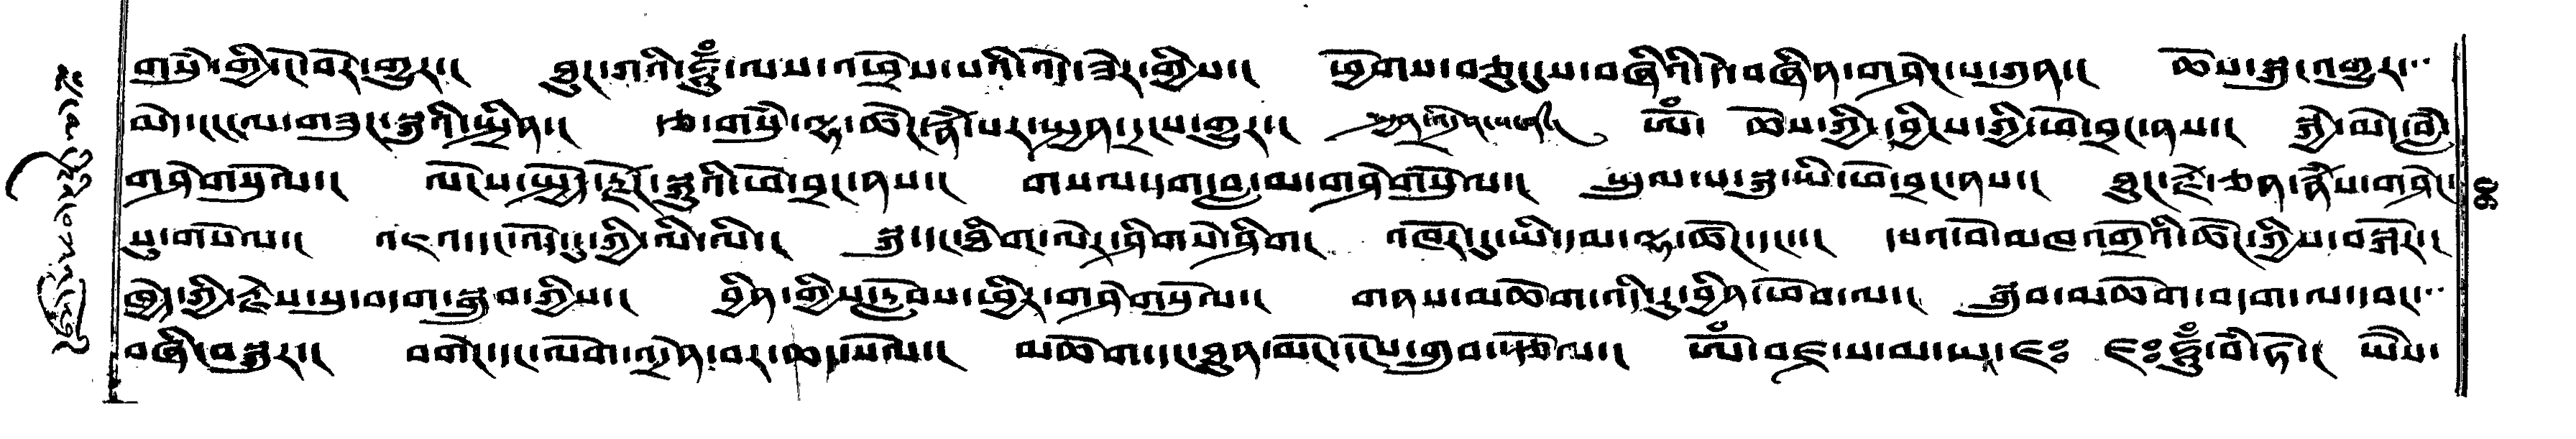གསུམ་གྱི་ངོ་བོར་གྱུར། །ཐུགས་ཀའི་ཧཱུྃ་ལས་འཕྲོས་པའི་འོད་ཟེར་གྱིས། །ཕྱོགས་བཅུ་དུས་བཞིའི་དེ་བཞིན་གཤེགས་པ་ཀུན། །ཆོས་སྐུ་འགྱུར་
མེད་ངང་ལས་གཟུགས་སྐུའི་སྤྲིན། །རྩ་གསུམ་ལྷ་ཚོགས་རྣམ་པར་སྤྱན་དྲངས་གྱུར། སྤྱན་འདྲེན་པ་ནི། ཨོཾ། ཆོས་ཀྱི་དབྱིངས་ཀྱི་ཕོ་བྲང་ནས། །སྐྱེ་མེད་བླ་མ་
གཤེགས་སུ་གསོལ། །ལོངས་སྤྱོད་རྫོགས་སྐུའི་ཕོ་བྲང་ནས། །གསལ་དག་བླ་མ་གཤེགས་སུ་གསོལ། །སྤྲུལ་པ་སྐུ་ཡི་ཕོ་བྲང་ནས། །ཐུགས་རྗེ་ཅན་རྣམས་གཤེགས་
སུ་གསོལ། །འཇའ་དང་འོད་དུ་ཀྱི་ལི་ལི། །སྐུ་དང་ཐིག་ལེར་ཤིགས་སེ་ཤིག འཁོར་དུ་ཡི་དམ་ལྷ་ཚོགས་དང་། །དཔའ་བོ་མཁའ་འགྲོའི་ཚོགས་ཀྱིས་བསྐོར། །
ཁྱེད་ཀྱི་རྗེས་སུ་བདག་སྒྲུབ་ཀྱིས། །བྱིན་གྱིས་རློབ་ཕྱིར་གཤེགས་སུ་གསོལ། །གནས་མཆོག་འདི་རུ་བྱིན་ཕོབ་ལ། །སྒྲུབ་མཆོག་བདག་ལ་དབང་
བཞི་སྐུར། །བགེགས་དང་ལོག་འདྲེན་བར་ཆད་སོལ། །མཆོག་དང་ཐུན་མོང་དངོས་གྲུབ་སྩོལ། ཨོཾ་བཛྲ་ས་མ་ཡཱ་ཛཿ ཛཿཧཱུྃ་བཾ་ཧོ། ཡེ་ཤེས་